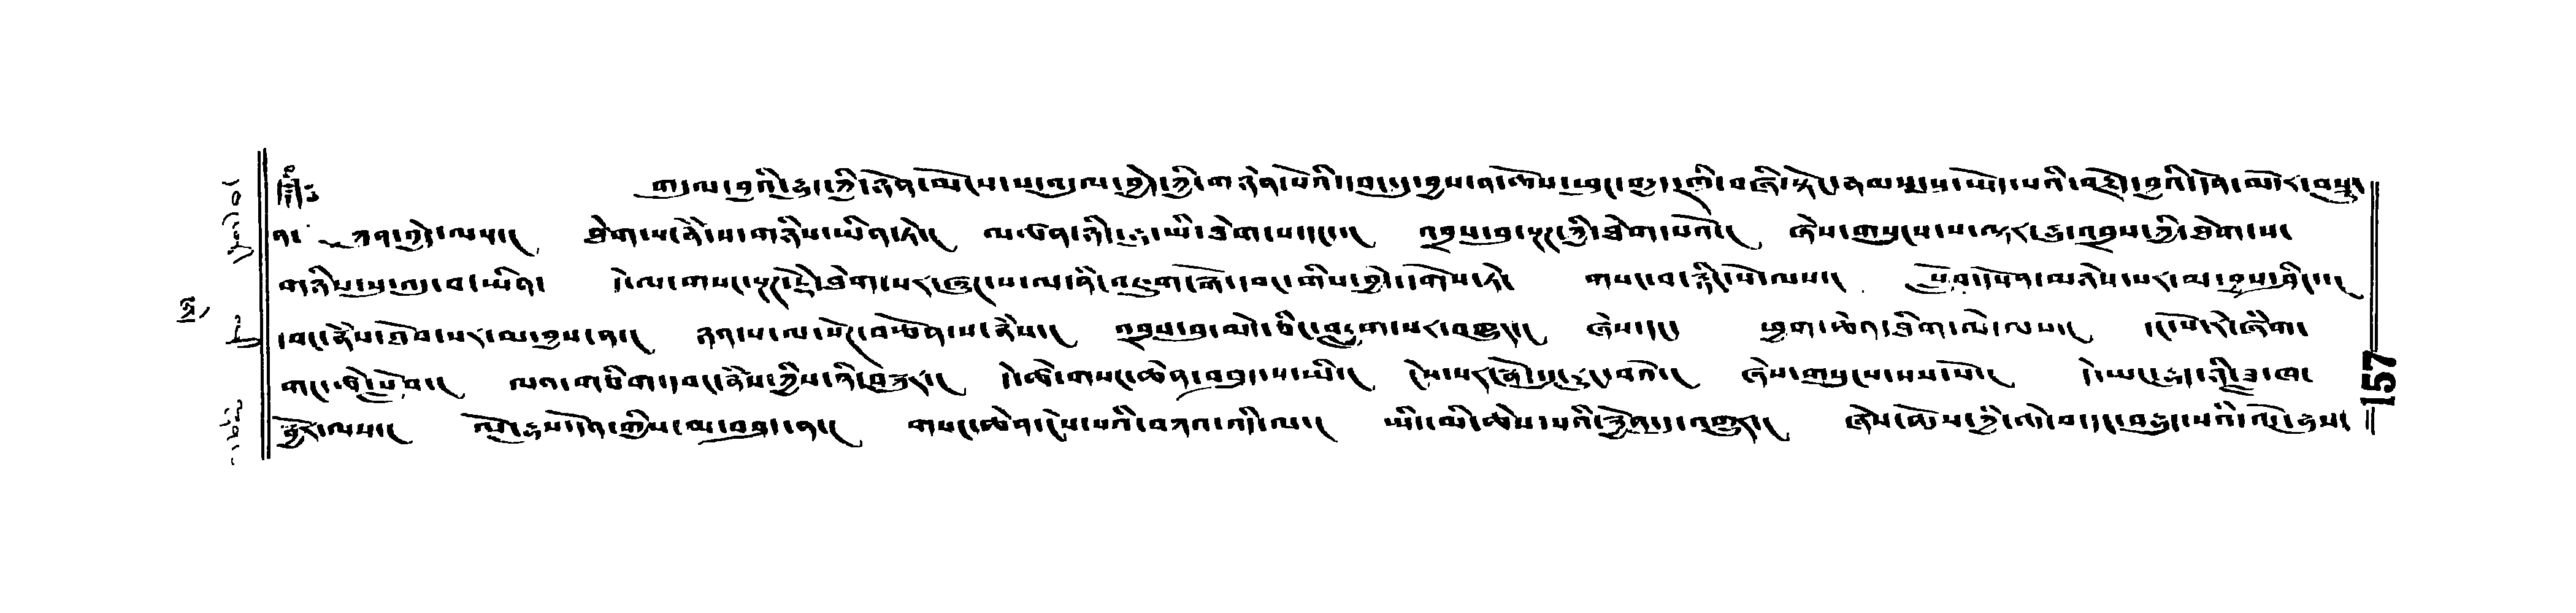གདུལ་བྱའི་རྒྱུད་ཀྱི་ཉོན་མོངས་པ་འདུལ་བྱེད་ཀྱི་གཉེན་པོའི་དབང་དུ་བྱས་ན་ཆོས་ཕུང་བརྒྱད་ཁྲི་བཞི་སྟོང་རྣམས་སུ་ཡོད་པའི་བརྗོད་བྱའི་དོན་མདོར་བསྡུ་ན། 
ཀུན་བྱེད་ལས། ཐེག་པ་རྣམ་པ་གཉིས་ཡིན་ཏེ། །མཚན་ཉིད་རྒྱུ་ཡི་ཐེག་པ་དང་། །འབྲས་བུ་སྔགས་ཀྱི་ཐེག་པའོ། །ཞེས་གསུངས་པ་ལྟར་རྒྱུ་འབྲས་ཀྱི་ཐེག་པ་
གཉིས་སུ་འདུ་བ་ཡིན། །དེ་ལ་གསང་སྔགས་རྡོ་རྗེ་ཐེག་པར་ཞུགས་པ་ལ་ནི་འཇུག་སྒོ་དབང་གིས་བྱེད་དགོས་ཏེ། གསང་བ་རྙིང་པོ་ལས། སློབ་དཔོན་མཉེས་པར་མ་བྱས་ཤིང་། །
དབང་རྣམས་ཐོབ་པར་མ་བྱས་ན། ཉན་པ་ལ་སོགས་བརྩོན་པ་རྣམས། །འབྲས་བུ་མེད་ཅིང་བརླག་པར་འགྱུར། །ཞེས་དང་། ཕྱག་ཆེན་ཐིག་ལེ་ལས། དང་པོ་རེ་ཞིག་
གང་ཚེ་སློབ། །ལན་གཅིག་དབང་རྣམས་ཀྱིས་ནི་བསྐུར། །དེ་ཚེ་གསང་ཆེན་བཤད་པ་ཡིས། །ངེས་པར་སྣོད་དུ་རུང་བའོ། །ཞེས་གསུངས་པས་སོ། དེ་ཡང་རྒྱུད་ཉི་ཟླ་ཁ་
སྦྱོར་ལས། ལོ་རྒྱུས་དོན་གྱིས་མ་བཤད་ན། །གསང་ཆེན་ངེས་པའི་བཀའ་འདི་ལ། །ཡིད་མི་ཆེས་པའི་སྐྱོན་དུ་འགྱུར། །ཞེས་ཆོས་ཀྱི་ཆེ་བ་དང་བརྒྱུད་པའི་ལོ་རྒྱུས་